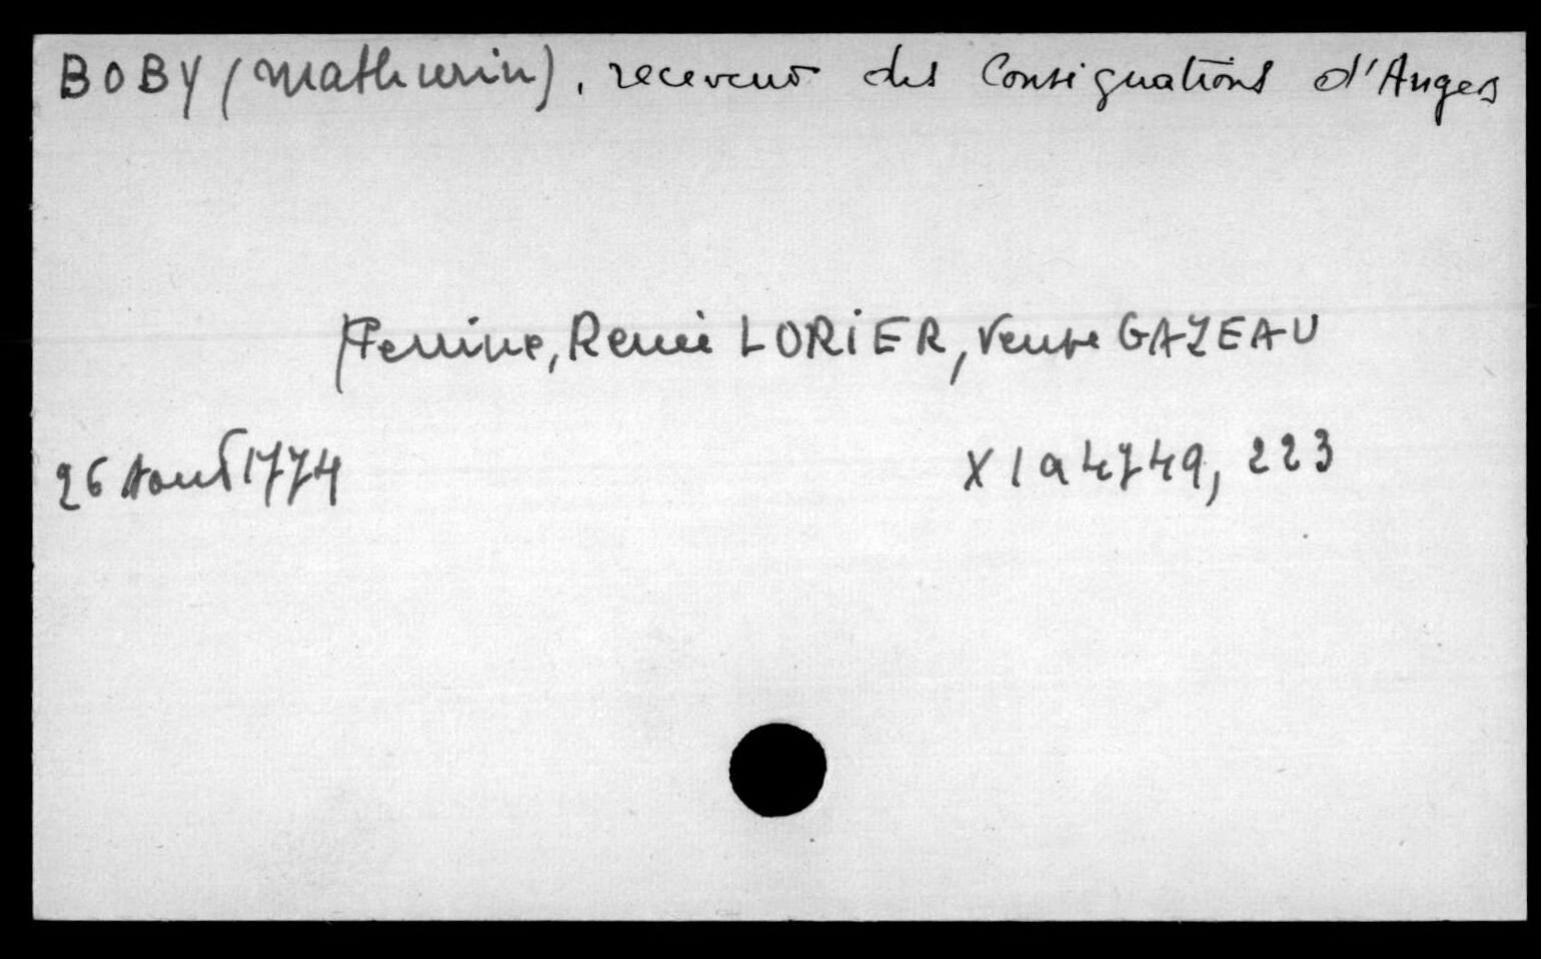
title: BOBY (Mathurin), receveur des consignations d'Angers
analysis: Contre Perrine, Renée LORIER, veuve GAZEAU
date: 26 août 1774
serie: X1a
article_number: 4749
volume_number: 223
